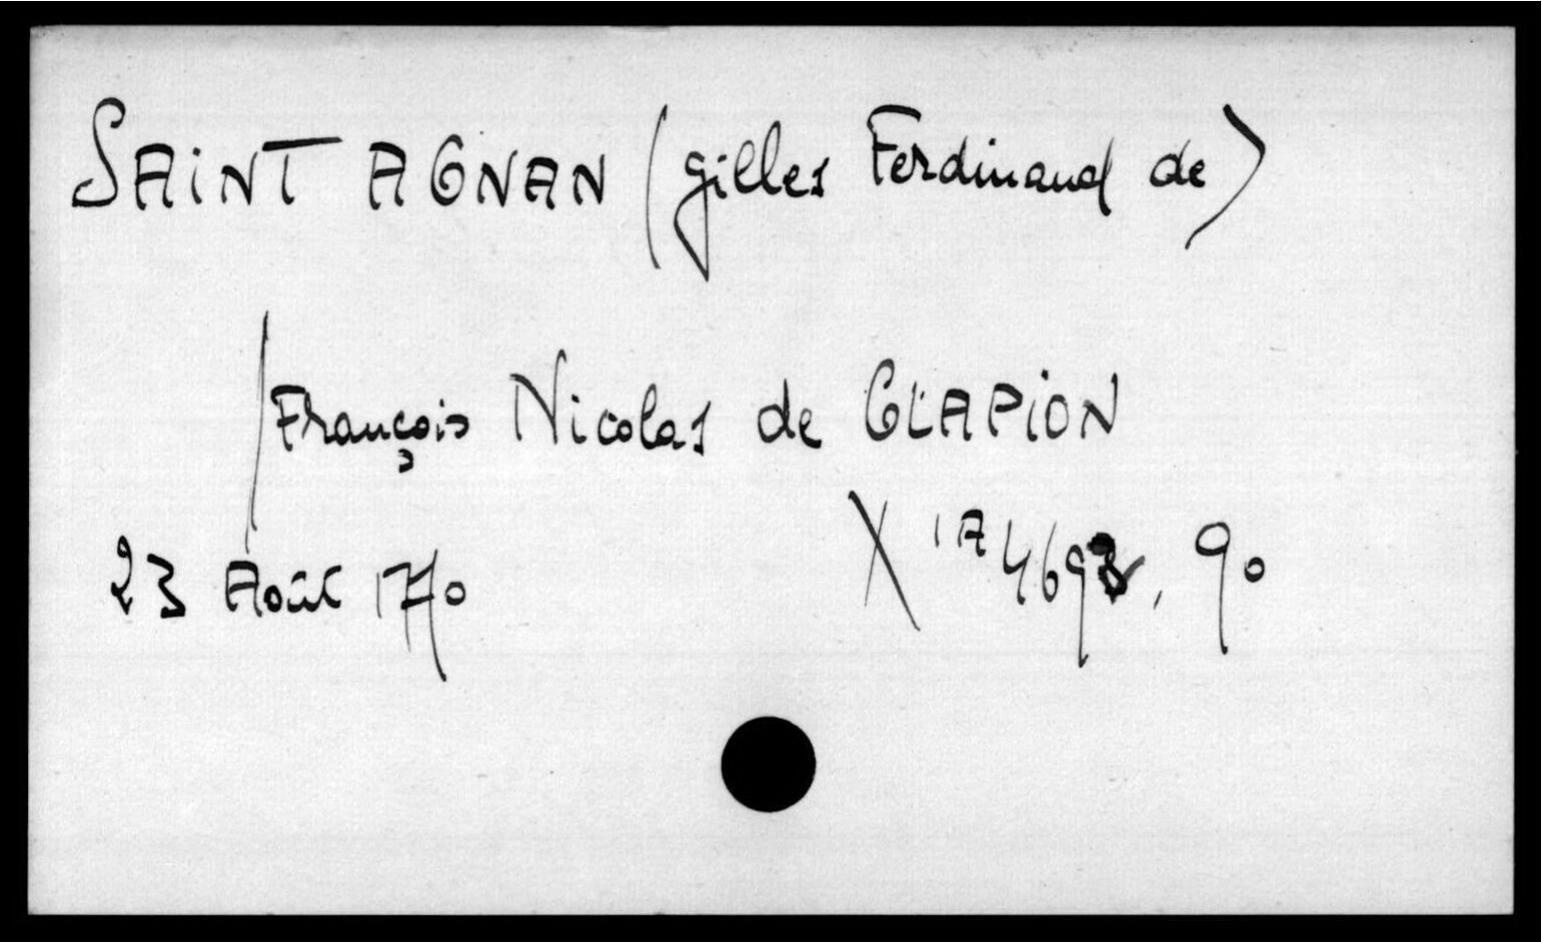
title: SAINT AGNAN (Gilles Ferdinand de)
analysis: Contre François Nicolas de GLAPION
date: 23 août 1770
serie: X1A
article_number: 4692
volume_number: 90
